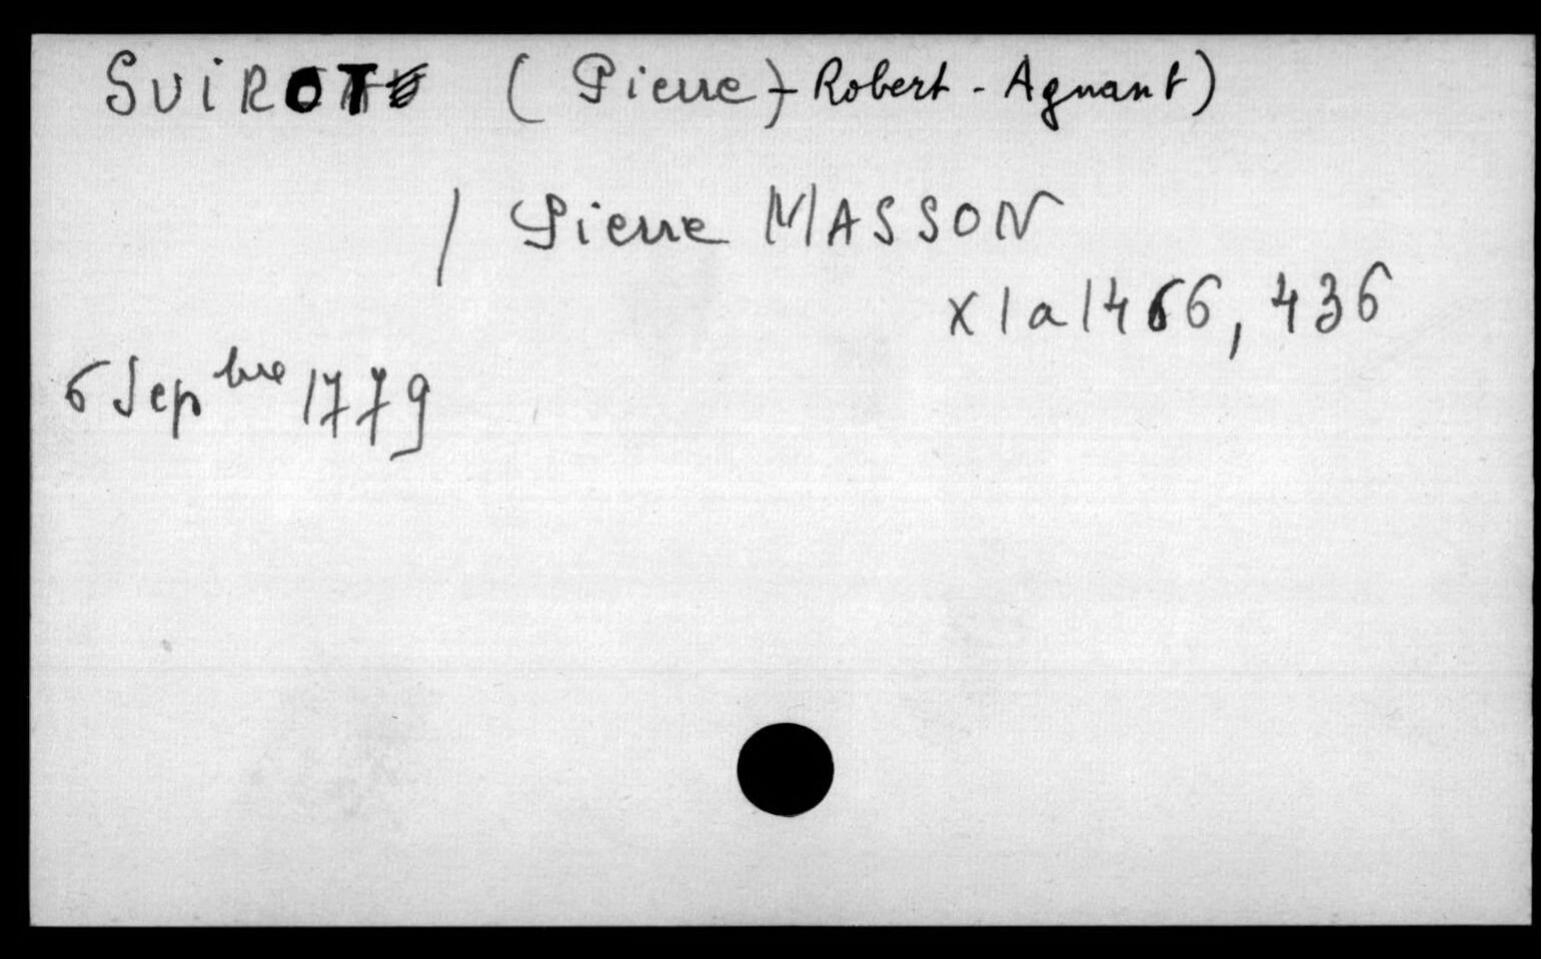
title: SUIROT (Pierre Robert-Agnant)
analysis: Contre Pierre MASsON
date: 6 septembre 1779
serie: X1a
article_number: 1466
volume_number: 436
